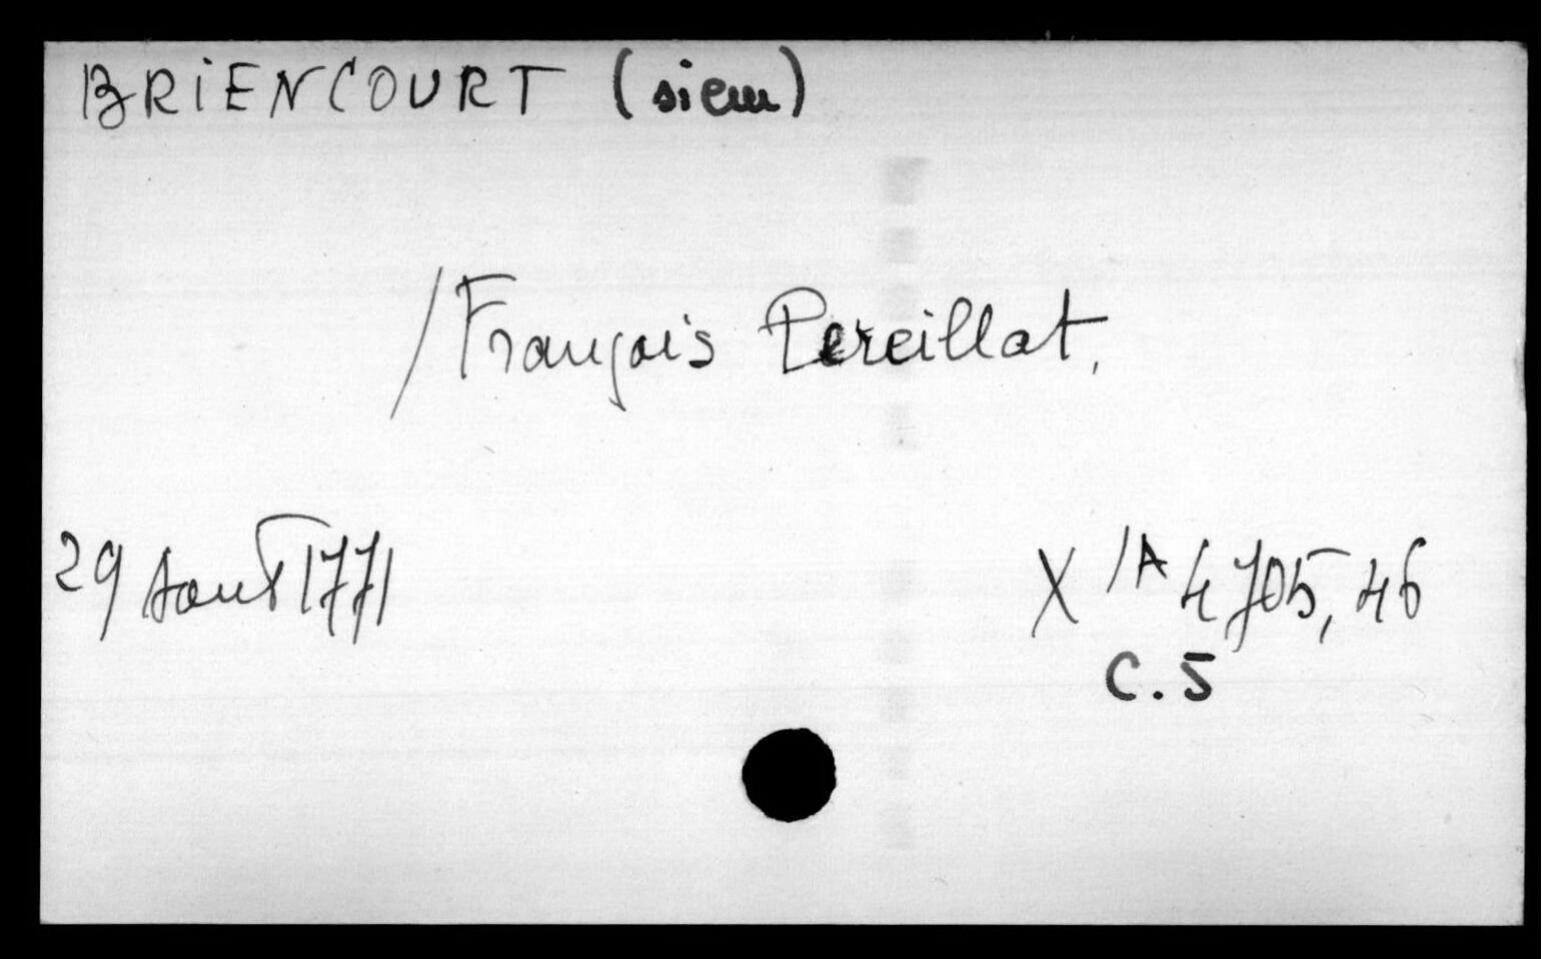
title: BRIENCOURT (sieur)
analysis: Contre François Pereillat
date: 29 août 1771
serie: X1A
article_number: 4705
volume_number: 46 Conseil 5
